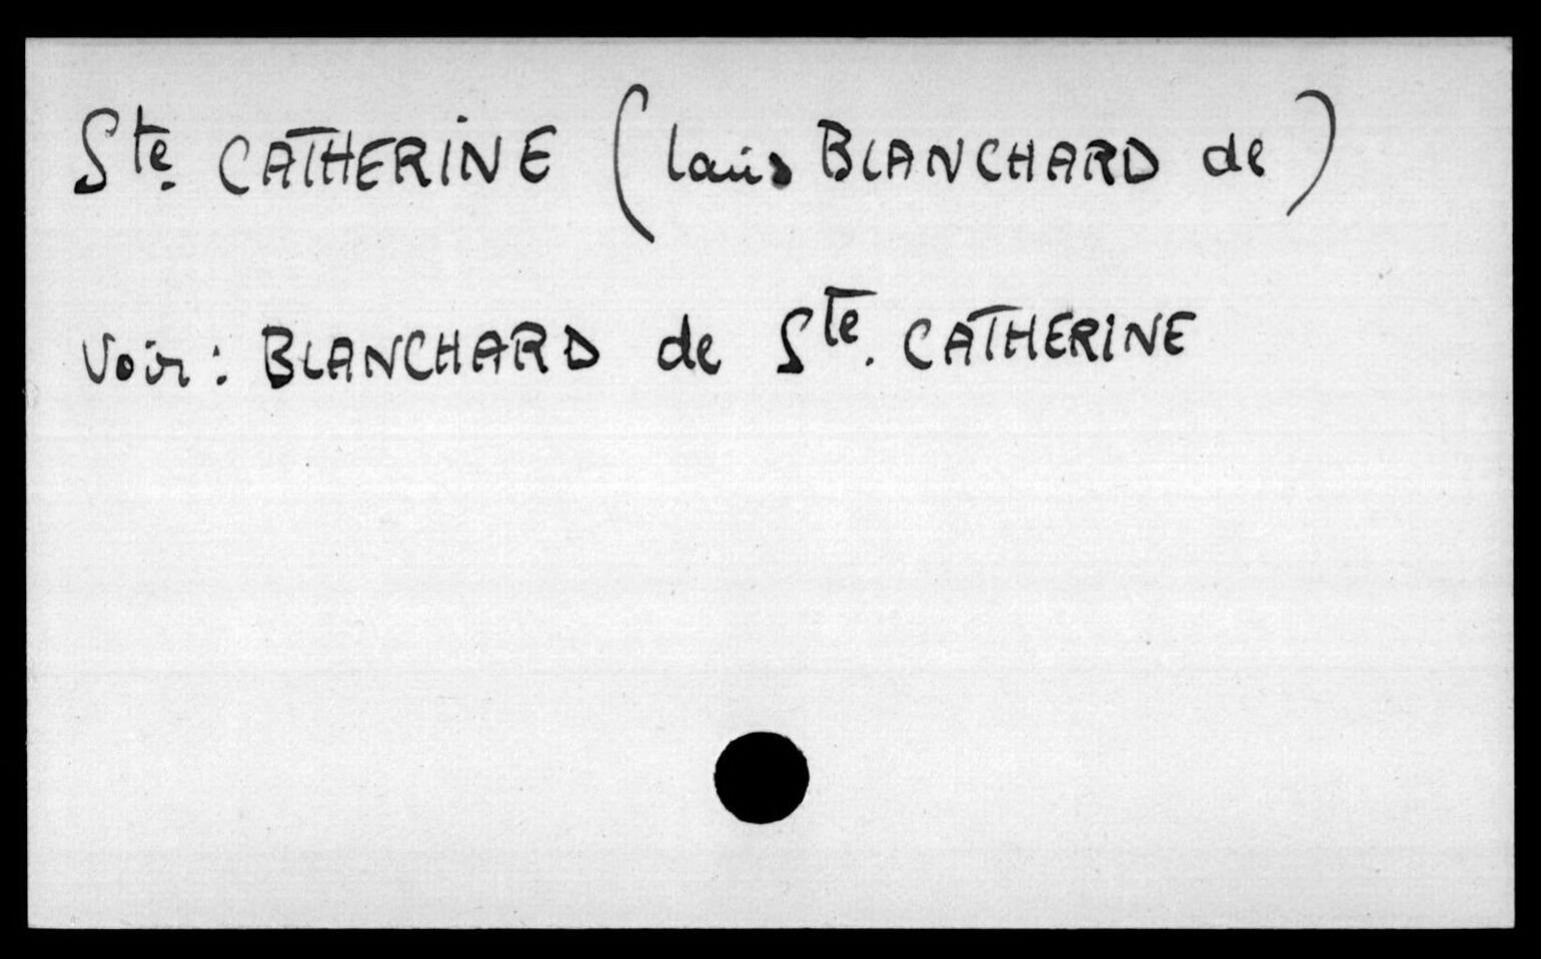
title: SAINTE-CATHERINE (Louis BLANCHARD de)
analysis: Voir : BLANCHARD de SAINTE-CATHERINE
